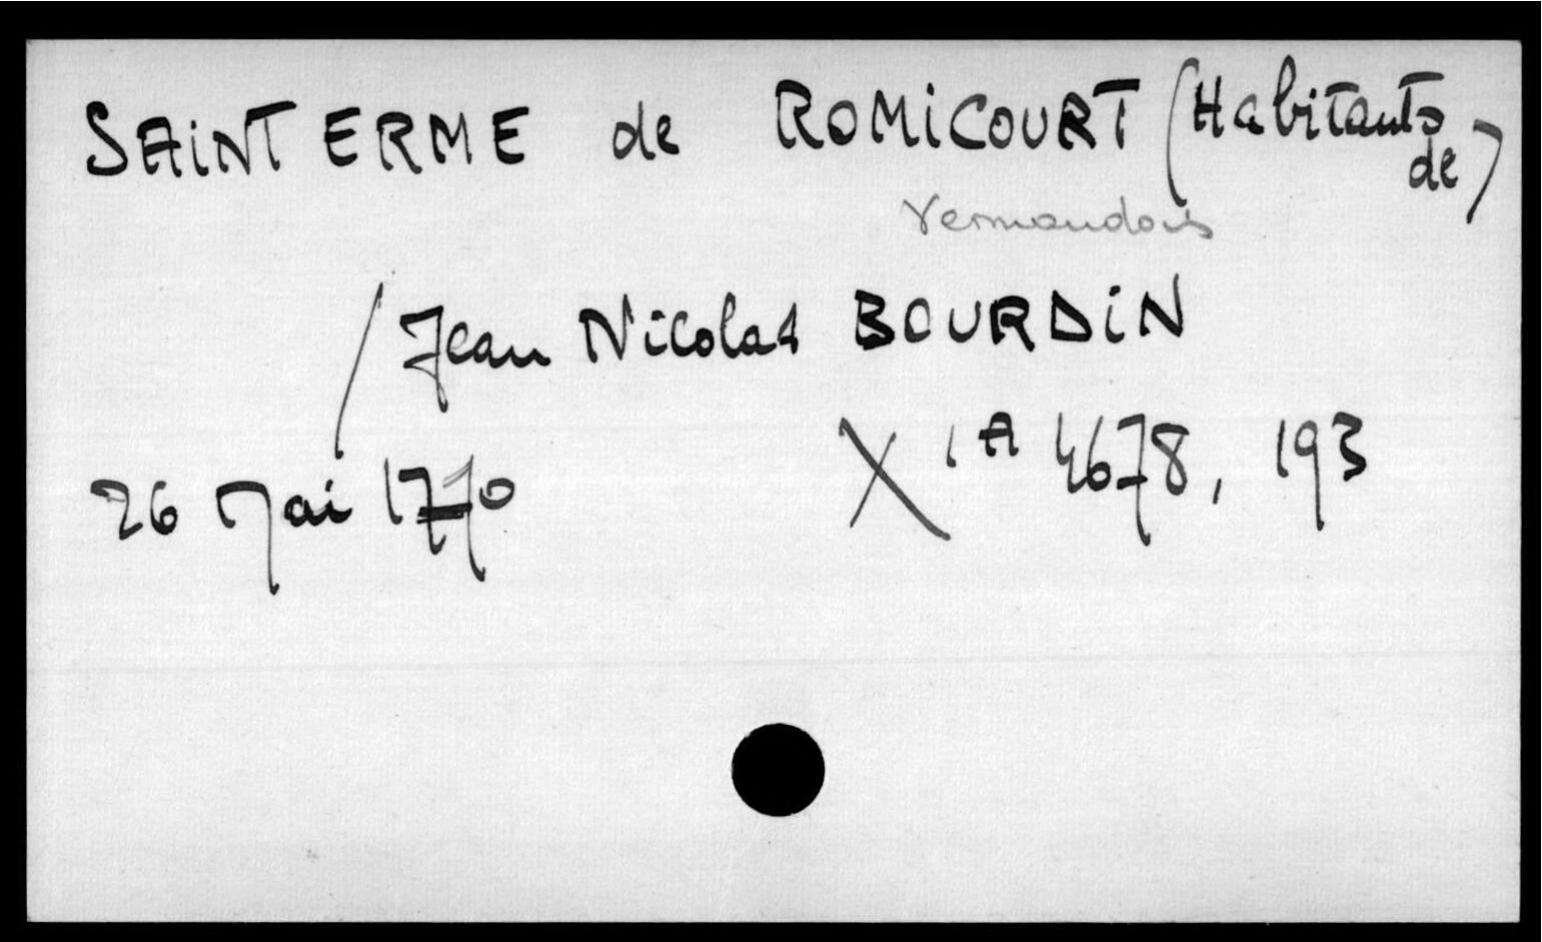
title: SAINT ERME de ROMICOURT (Habitants de) Vemandois
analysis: Contre Jean Nicolat BOURDIN
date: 26 mai 1770
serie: X1A
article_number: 4678
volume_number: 193
